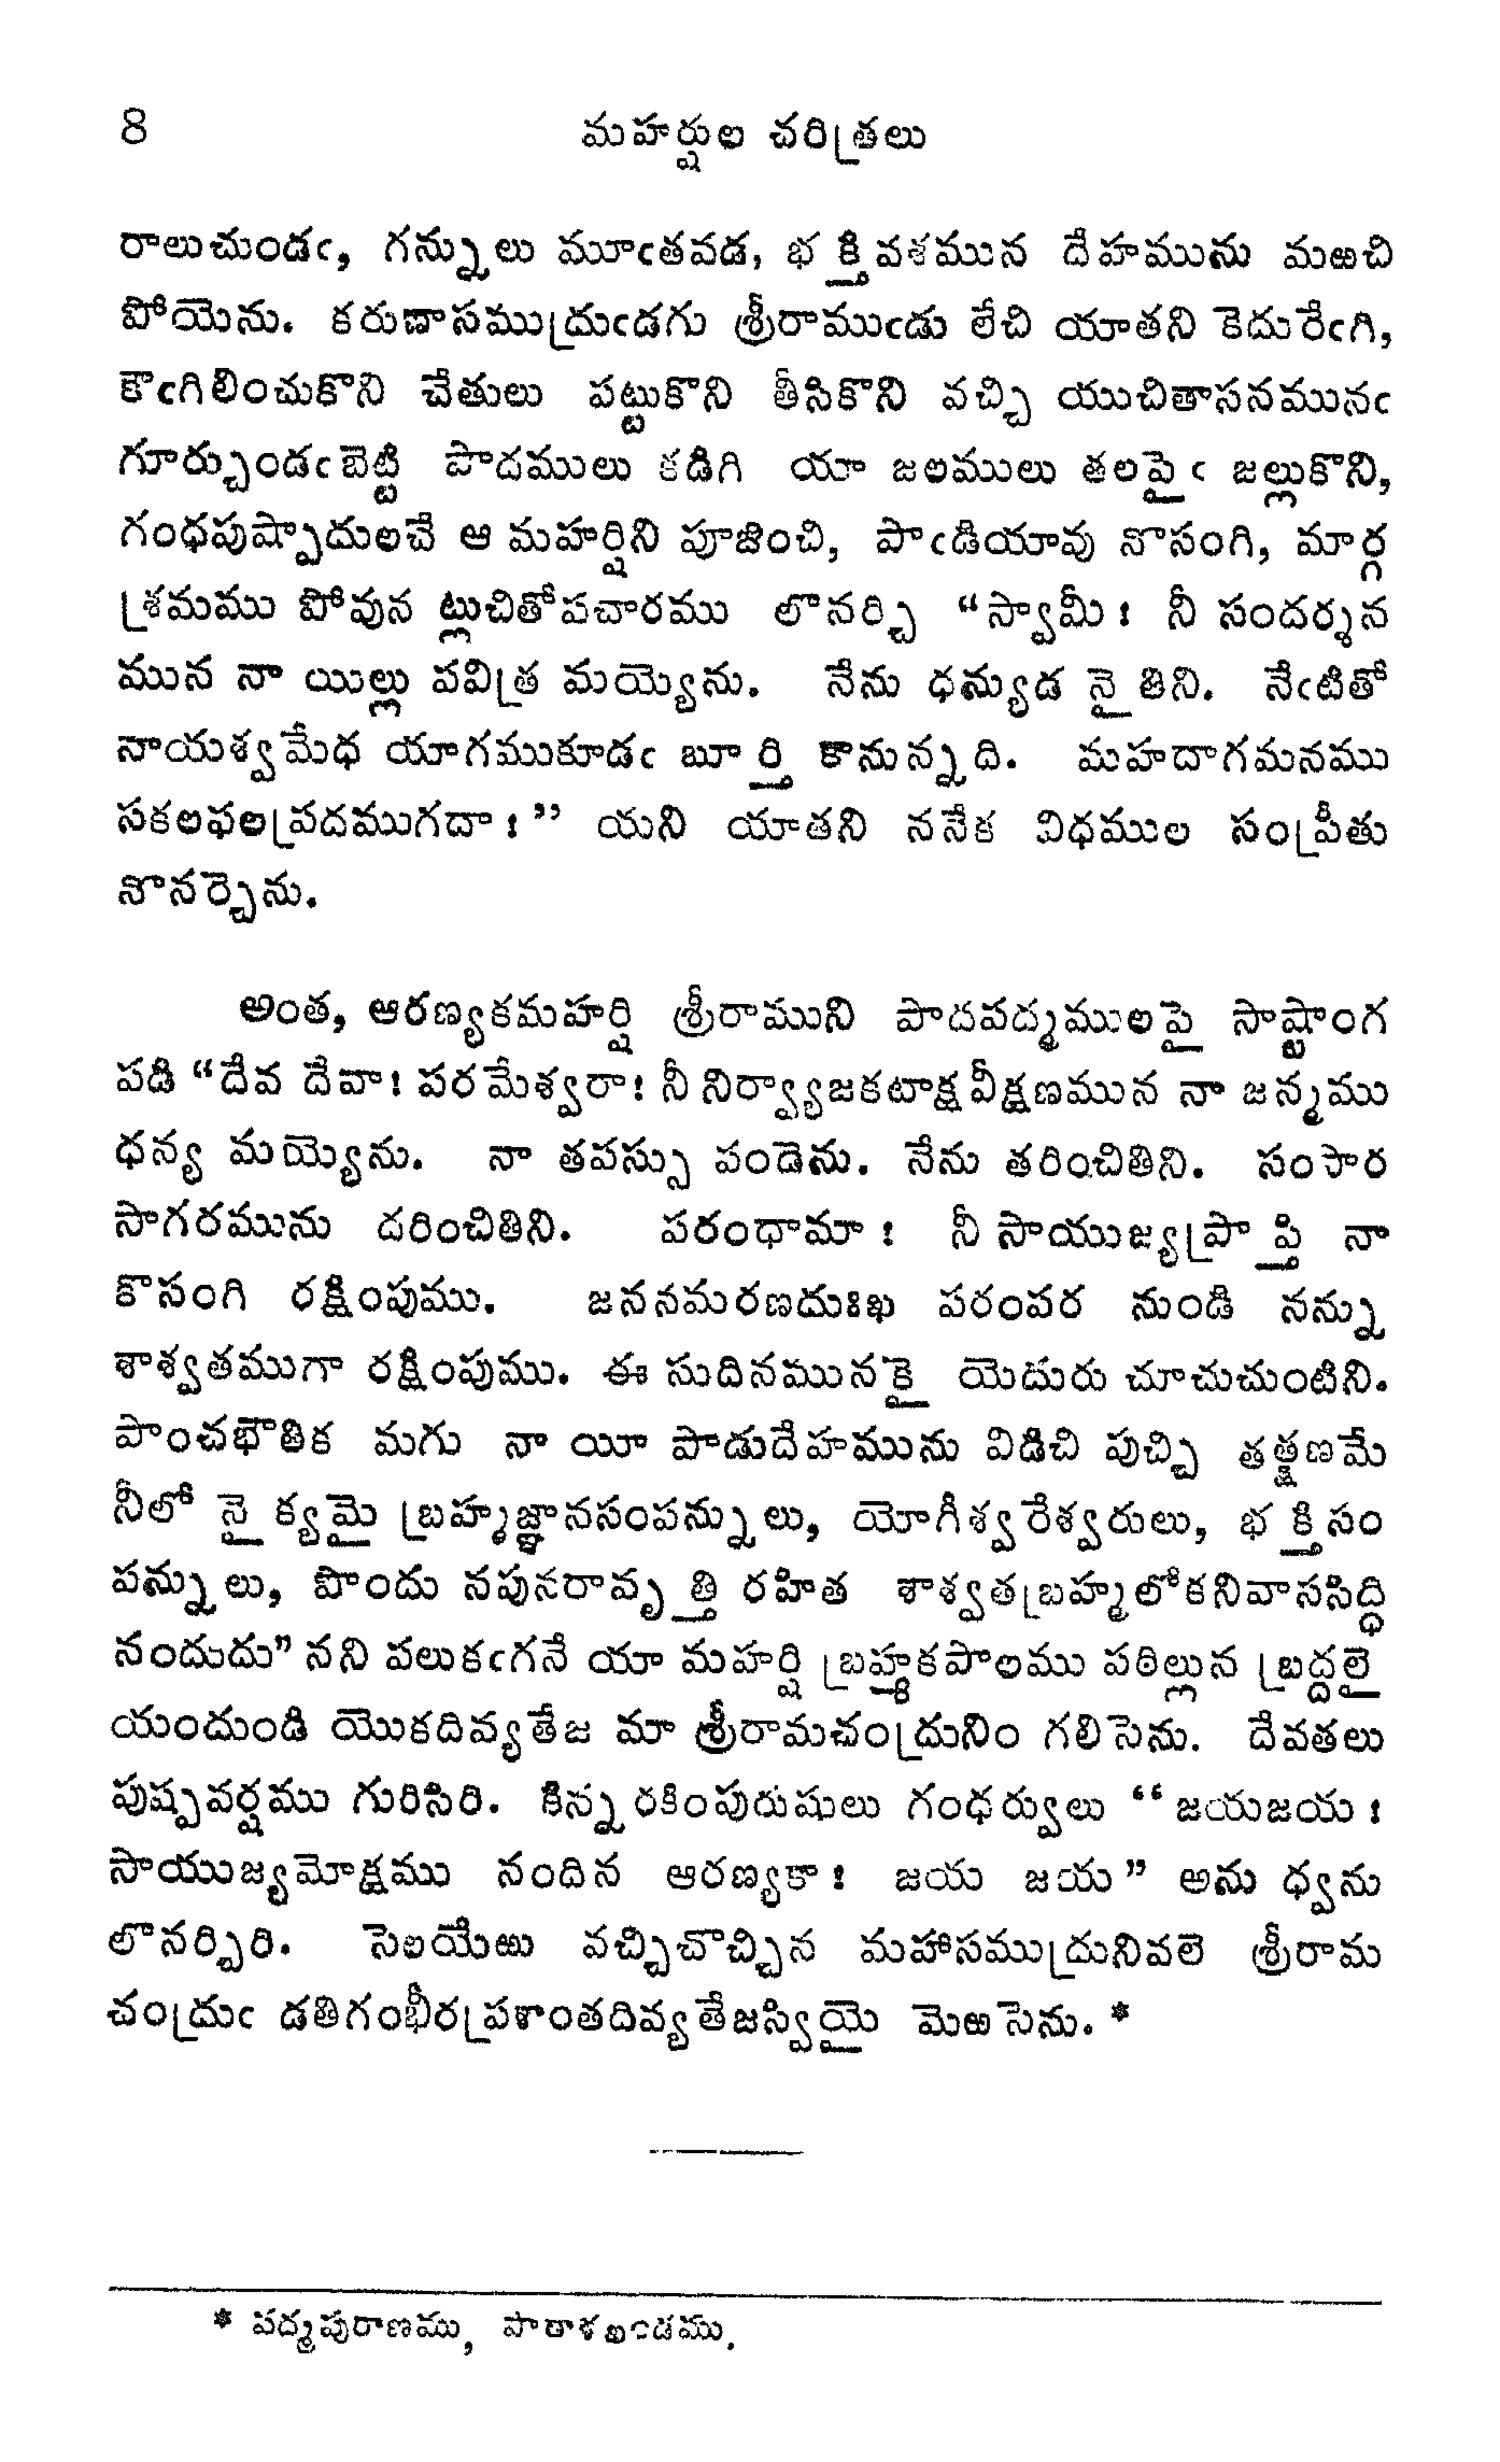రాలుచుండ, గన్నులు మూతపడ, భక్తివశమున దేహమును మరచి పోయెను. కరుణాసముద్రుడగు శ్రీరాముడు లేచి యాతని కెదురేగి, కౌగిలించుకొని చేతులు పట్టుకొని తీసికొని వచ్చి యుచితాసనమున గూర్చుండబెట్టి పాదములు కడిగి యా జలములు తలపై జల్లుకొని, గంధపుష్పాదులచే ఆ మహర్షిని పూజించి, పాడియావు నొసంగి, మార్గశ్రమము పోవున ట్లుచితోపచారము లొనర్చి " స్వామీ ! నీ సందర్శనమున నా యిల్లు పవిత్ర మయ్యెను. నేను ధన్యుడ నైతిని. నేటితో నాయశ్వమేధ యాగముకూడ బూర్తి కానున్నది. మహదాగమనము సకలఫలప్రదముగదా !" యని యాతని ననేక విధముల సంప్రీతు నొనర్చెను.

అంత, ఆరణ్యకమహర్షి శ్రీరాముని పాదపద్మములపై సాష్టాంగపడి "దేవ దేవా ! నీ నిర్వ్యాజకటాక్షవీక్షణమున నా జన్మము ధన్య మయ్యెను. నా తపస్సు పండెను. నేను తరించితిని. సంసార సాగరమును దరించితిని. పరంధామా ! నీ సాయుజ్యప్రాప్తి నా కొసంగి రక్షింపుము. ఈ సుదినమునకై యెదురు చూచుచుంటిని. పాంచభౌతిక మగు నా యీ పాడుదేహమును విడిచి పుచ్చి తత్క్షణమే నీలో నైక్యమై బ్రహ్మజ్ఞానసంపన్నులు, యోగీశ్వరేశ్వరులు, భక్తిసంపన్నులు, పొందు నపునరావృత్తి రహిత శాశ్వతబ్రహ్మలోకనివాససిద్ధి నందుదు" నని పలుకగనే యా మహర్షి బ్రహ్మకపాలము పఠిల్లున బ్రద్దలై యందుండి యొకదివ్యతేజ మా శ్రీరామచంద్రునిం గలిసెను. దేవతలు పుష్పవర్షము గురిసిరి. కిన్నరకింపురుషులు గంధర్వులు "జయజయ ! సాయుజ్యమోక్షము నందిన ఆరణ్యకా ! జయ జయ " అను ధ్వను లొనర్చిరి. సెలయేరు వచ్చిచొచ్చిన మహాసముద్రునివలె శ్రీరామచంద్రు డతిగంభీరప్రశాంతదివ్యతేజస్వియై మెరసెను.